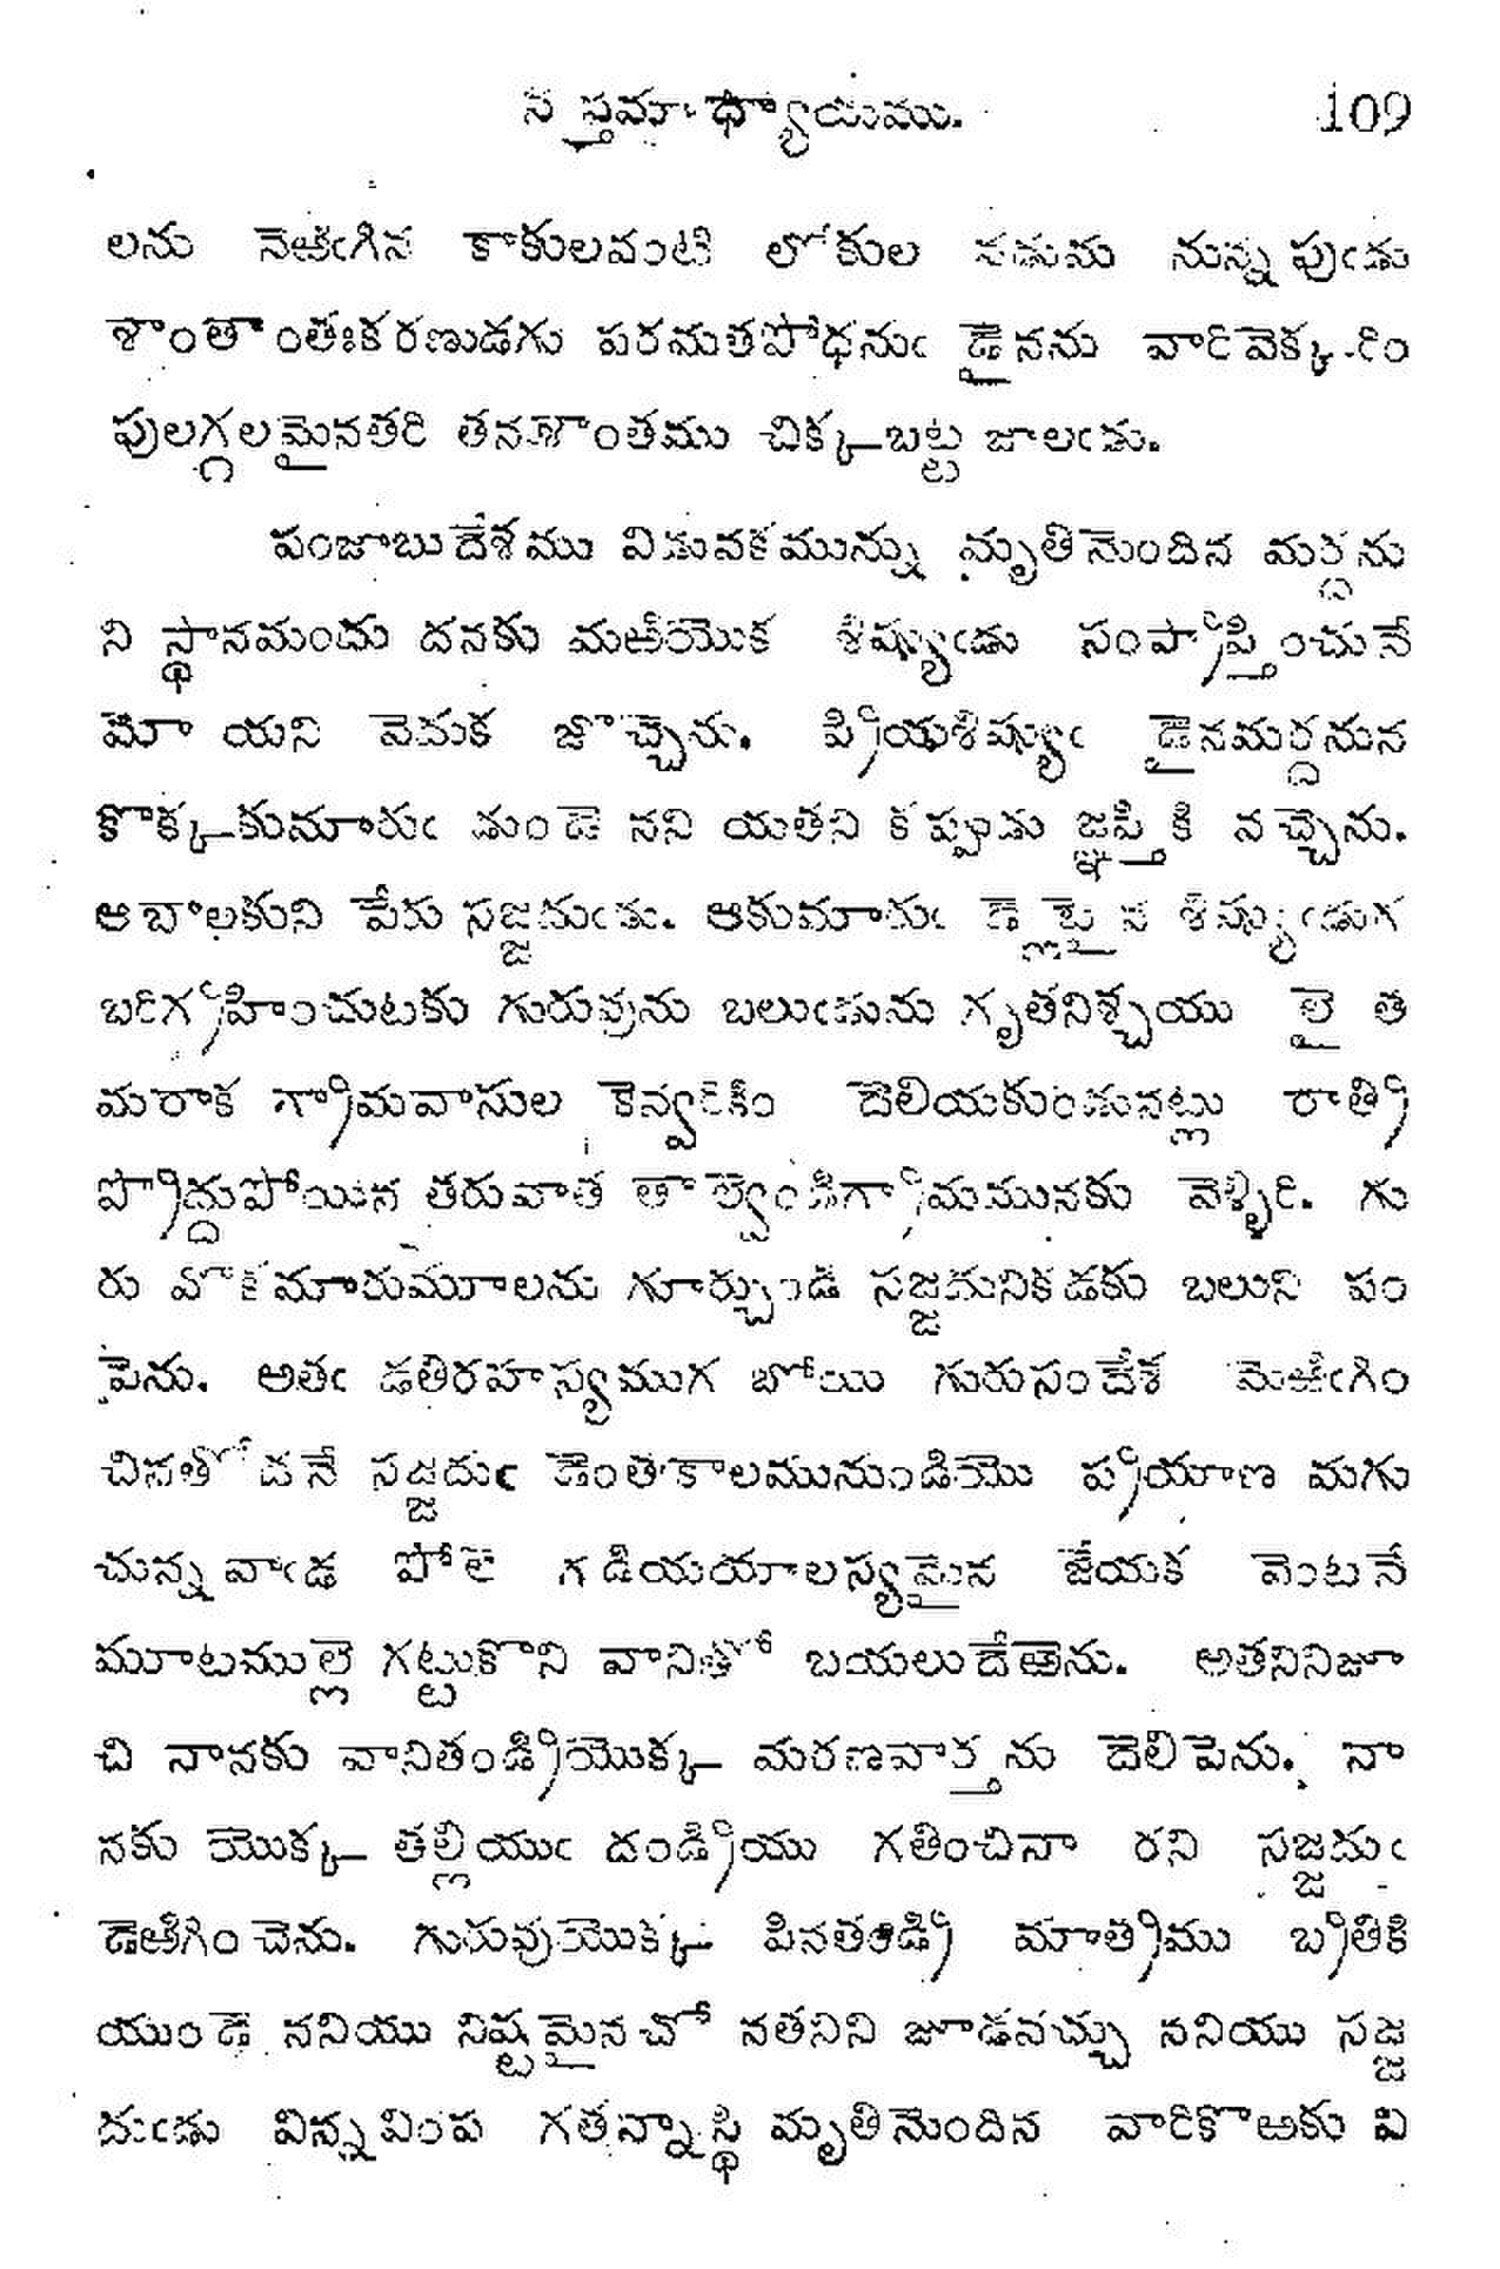లను నెఱిగిన కాకులవంటి లోకుల నడుమ నున్నప్పుడు శాంతాంత:కరణుడగు పరమతపోధను డైనను వారివెక్కరింపులగ్గలమైనతరి తనశాంతము చిక్కబట్ట జాలడు.

పంజాబుదేశము విడువకమున్ను మృతినొందిన మర్దనుని స్థానమందు దనకు మఱియొక శిష్యుడు సంప్రాప్తించునేమో యని వెదుక జొచ్చెను. ప్రియశిష్యు డైనమర్దనున కొక్కకుమారు డుండె నని యతని కప్పుడు జ్ఞప్తికి వచ్చెను. ఆబాలకునిపేరు సజ్జదుడు. ఆకుమారు డెట్లైన శిష్యుడుగ బరిగ్రహించుటకు గురువును బలుడును గృతనిశ్చయ లై తమరాక గ్రామవాసుల కెవ్వరికిం దెలియకుండునట్లు రాత్రి ప్రొద్దుపోయిన తరువాత తాల్వెండిగ్రామమునకు వెళ్ళిరి. గురు వొకమారుమూలను గూర్చుండి సజ్జదునికడకు బలుని పంపెను. అత డతిరహస్యముగ బోయి గురుసందేశ మెఱిగించినతోడనే సజ్జదు డెంతకాలమునుండియొ ప్రయాణ మగుచున్నవాడ పోలె గడియయాలస్యమైన జేయక వెంటనే మూటముల్లె గట్టుకొని వానితో బయలుదేఱెను. అతనినిజూచి నానకు వానితండ్రియొక్క మరణవార్తను దెలిపెను. నానకు యొక్క తల్లియు దండ్రియు గతించినా రని సజ్జదు డెఱిగించెను. గురువుయొక్క పినతండ్రి మాత్రము బ్రతికి యుండె ననియు నిష్టమైనచో నతనిని జూడవచ్చుననియు సజ్జదుడు విన్నవింప గతన్నాస్థి మృతినొందిన వారికొఱకు వి